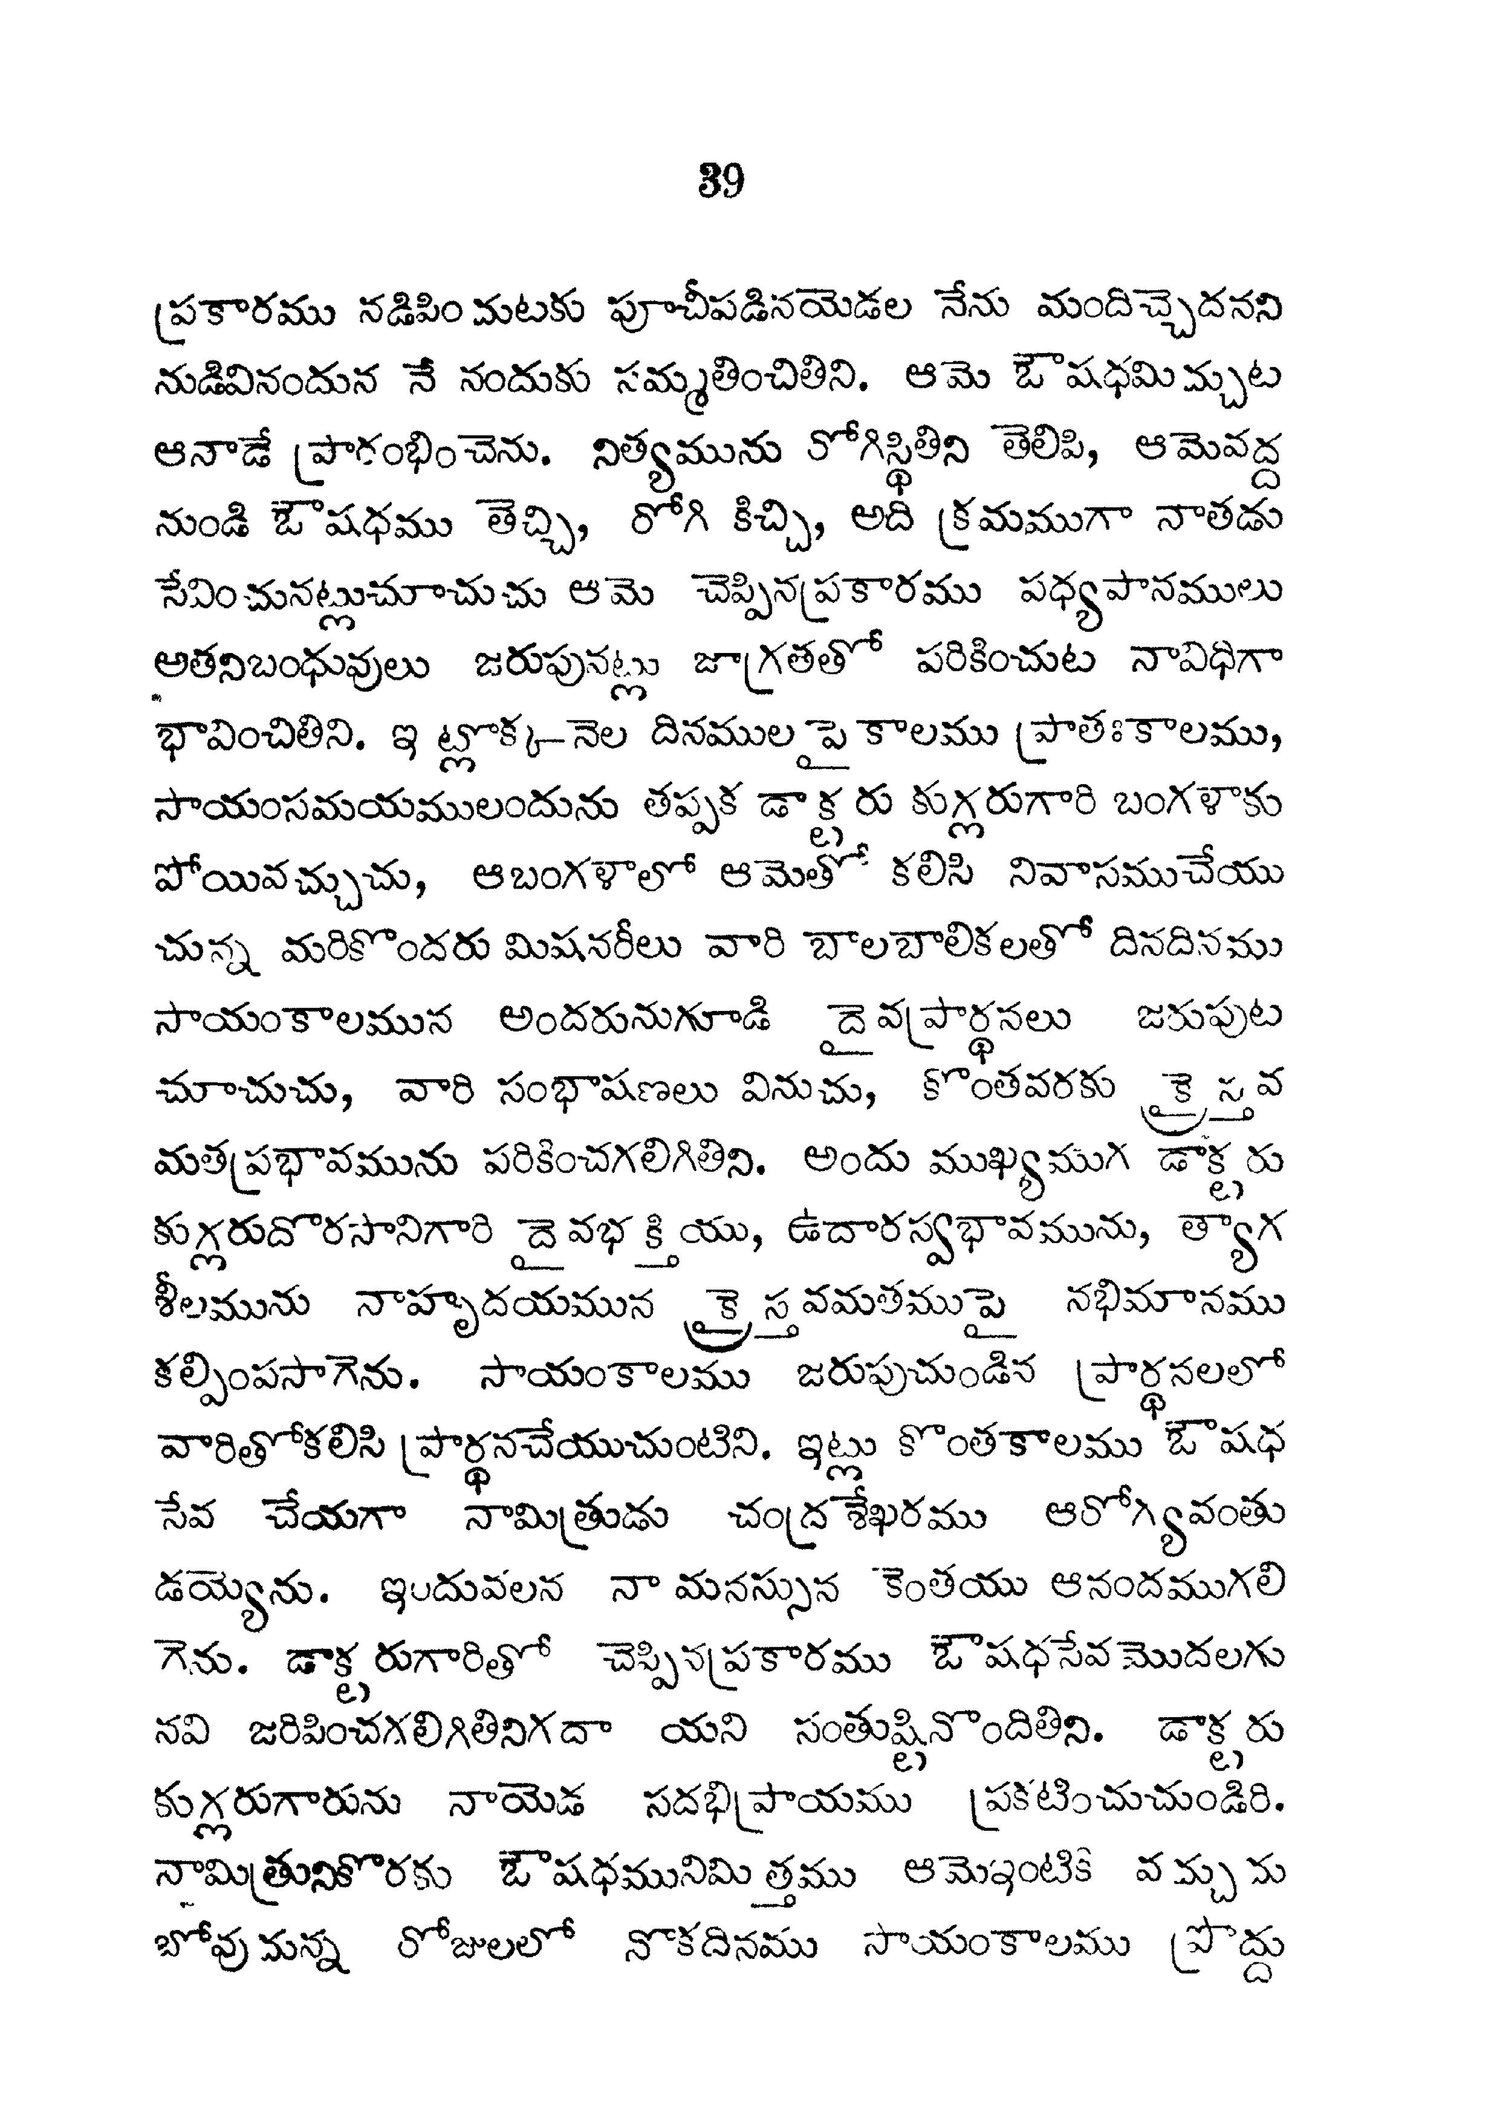ప్రకారము నడిపించుటకు పూచీపడినయెడల నేను మందిచ్చెదనని నుడివినందున నే నందుకు సమ్మతించితిని. ఆమె ఔషధమిచ్చుట ఆనాడే ప్రారంభించెను. నిత్యమును రోగిస్థితిని తెలిపి, ఆమెవద్ద నుండి ఔషధము తెచ్చి, రోగి కిచ్చి, అది క్రమముగా నాతడు సేవించునట్లుచూచుచు ఆమె చెప్పినప్రకారము పథ్యపానములు అతనిబంధువులు జరుపునట్లు జాగ్రత్తతో పరికించుట నావిధిగా భావించితిని. ఇట్లొక్కనెల దినములపైకాలము ప్రాత:కాలము, సాయంసమయములందును తప్పక డాక్టరు కుగ్లరుగారి బంగళాకు పోయివచ్చుచు, ఆబంగళాలో ఆమెతో కలిసి నివాసముచేయుచున్న మరికొందరు మిషనరీలు వారి బాలబాలికలతో దినదినము సాయంకాలమున అందరునుగూడి దైవప్రార్థనలు జరుపుట చూచుచు, వారి సంభాషణలు వినుచు, కొంతవరకు క్రైస్తవ మతప్రభావమును పరికించగలితిని. అందు ముఖ్యముగ డాక్టరు కుగ్లరుదొరసానిగారి దైవభక్తియు, ఉదారస్వభావమును, త్యాగశీలమును నాహృదయమున క్రైస్తవమతముపై నభిమానము కల్పింపసాగెను. సాయంకాలము జరుపుచుండిన ప్రార్థనలలో వారితోకలిసి ప్రార్థనచేయుచుంటిని. ఇట్లు కొంతకాలము ఔషధసేవ చేయగా నామిత్రుడు చంద్రశేఖరము ఆరోగ్యవంతుడయ్యెను. ఇందువలన నా మనస్సున కెంతయు ఆనందముగలిగెను. డాక్టరుగారితో చెప్పినప్రకారము ఔషధసేవ మొదలగునవి జరిపించగలిగితినిగదా యని సంతుష్టినొందితిని. డాక్టరు కుగ్లరుగారును నాయెడ సదభిప్రాయము ప్రకటించుచుండిరి. నామిత్రునికొరకు ఔషధమునిమిత్తము ఆమైంటికి వచ్చుచు బోవుచున్న రోజులలో నొకదినము సాయంకాలము ప్రొద్దు